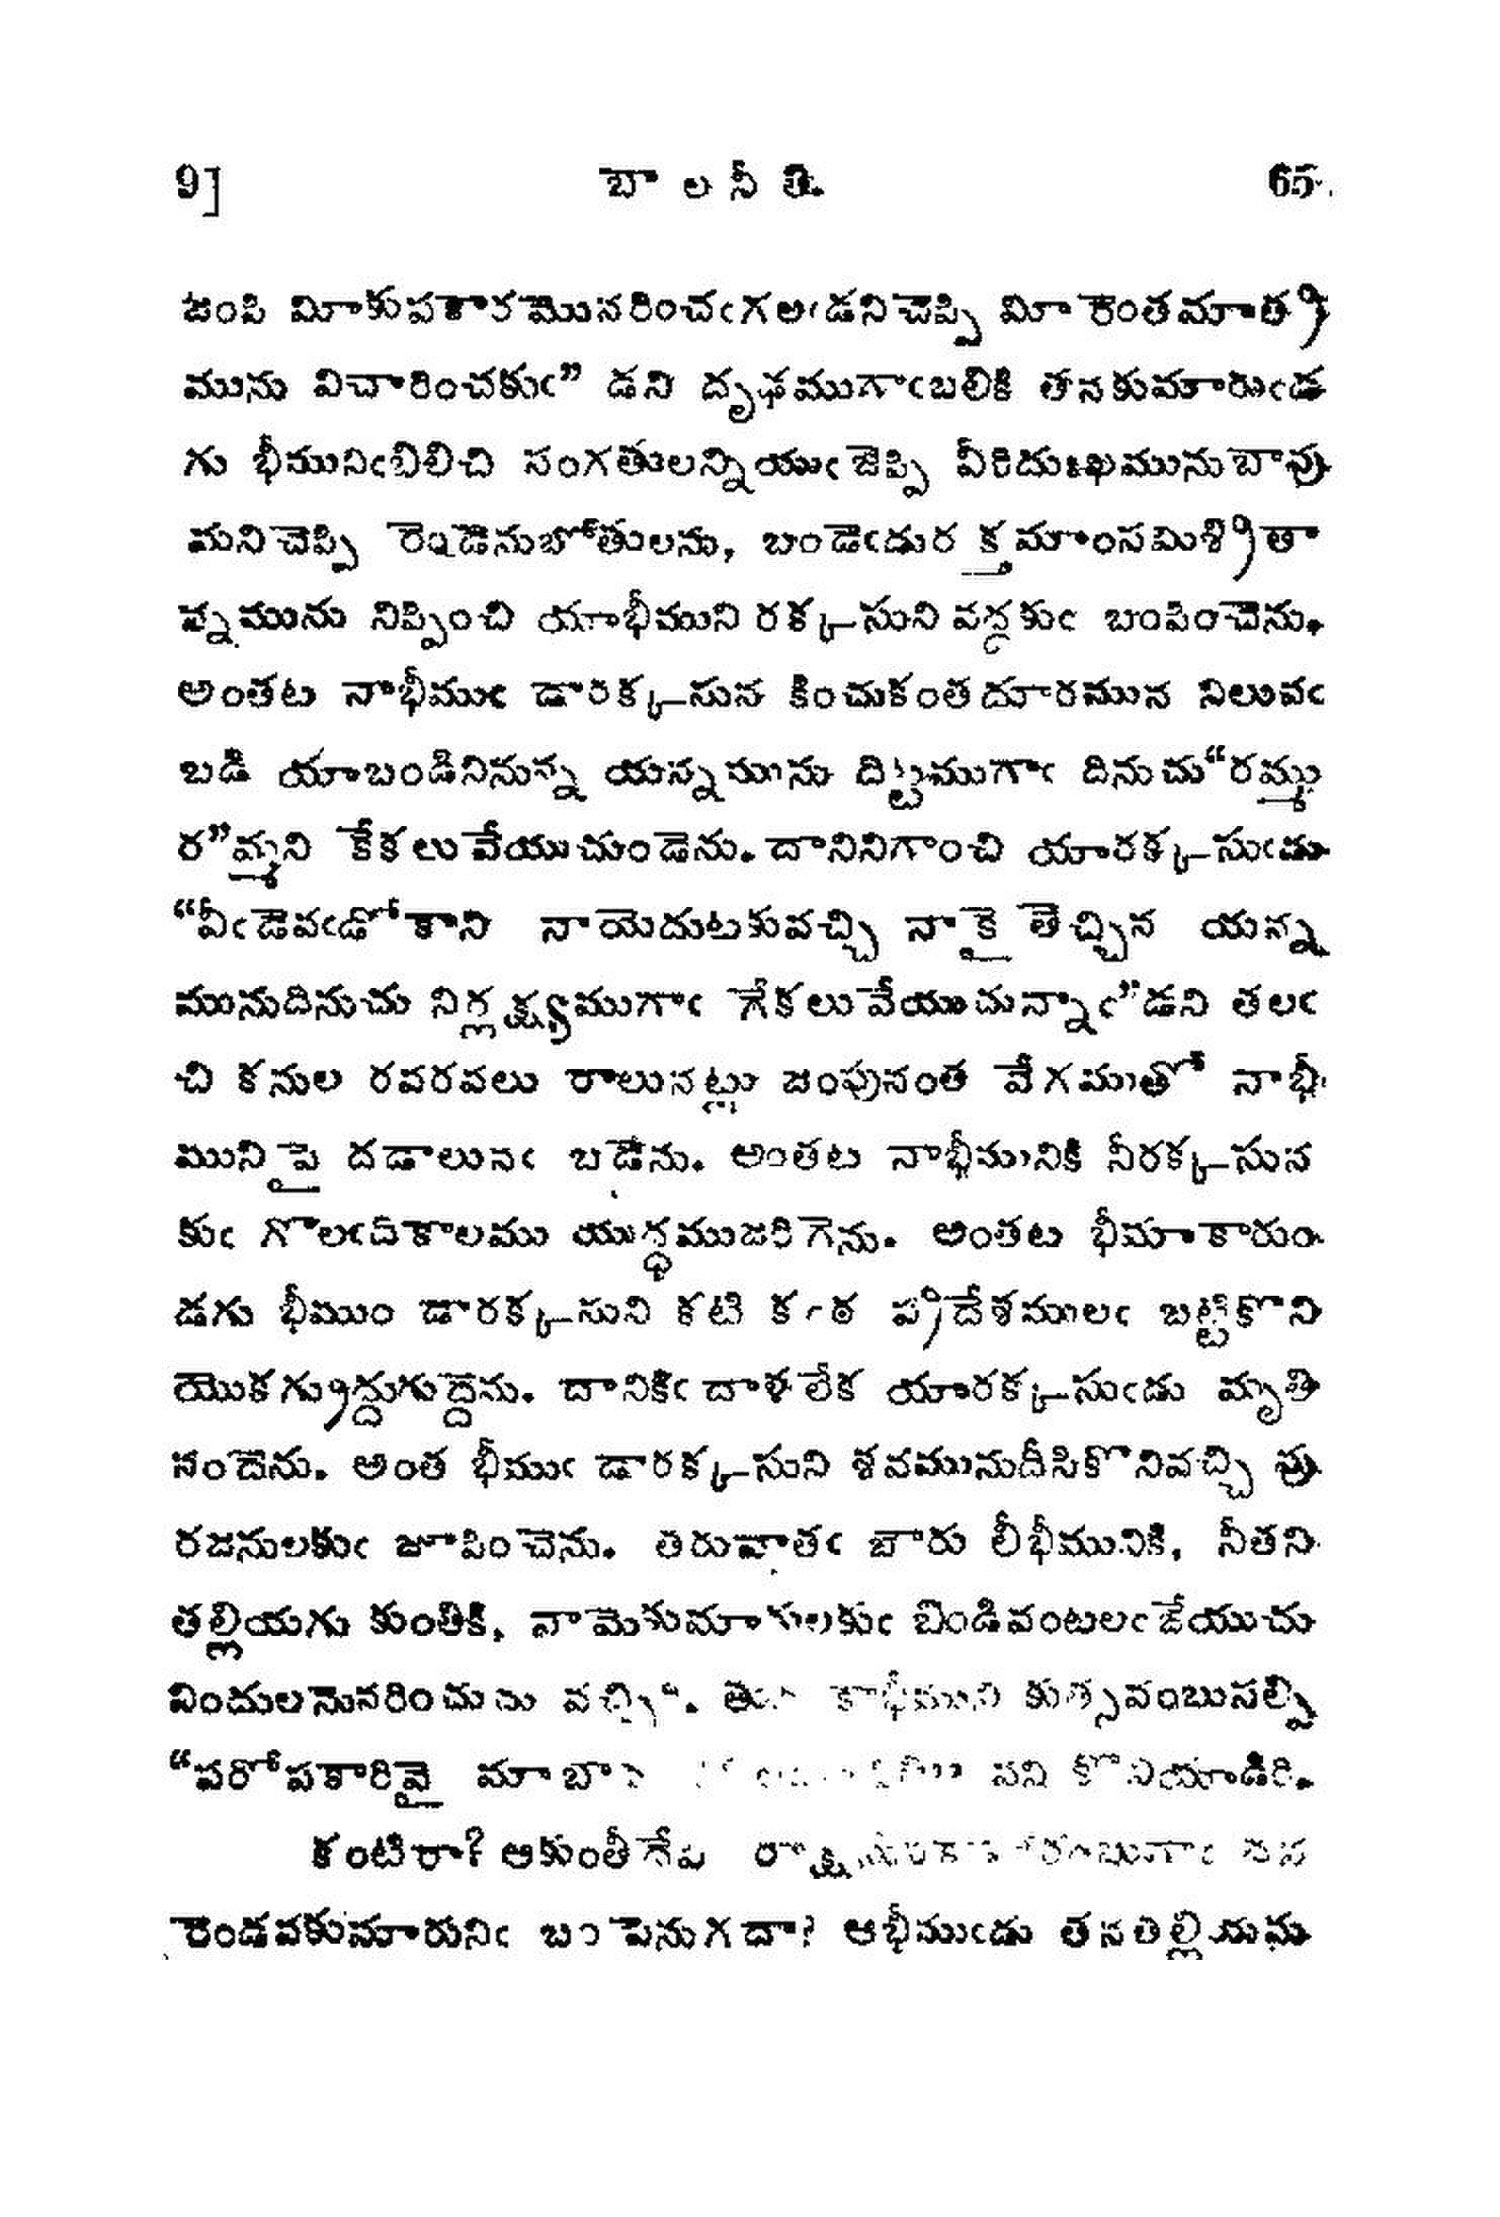జంపి మీకుపకారమొనరించఁగలఁడనిచెప్పి మీరెంతమాత్ర
మును విచారించకుఁ" డని దృఢముగాఁబలికి తనకుమారుఁడ
గు భీమునిఁబిలిచి సంగతులన్నియుఁజెప్పి వీరిదుఃఖమునుబాపు
మనిచెప్పి రెండెనుబోతులను, బండెఁడురక్తమాంసమిశ్రితా 
న్నమును నిప్పించి యాభీముని రక్కసునివద్దకుఁ బంపించెను. 
అంతట నాభీముఁ డారక్కసున కించుకంతదూరమున నిలువఁ
బడి యాబండినినున్న యన్నమును దిట్టముగాఁ దినుచు "రమ్ము
ర"మ్మని కేకలువేయుచుండెను. దానినిగాంచి యారక్కసుఁడు 
"వీఁడెవఁడోకాని నాయెదుటకువచ్చి నాకైతెచ్చిన యన్న
మునుదినుచు నిర్లక్ష్యముగాఁ గేకలువేయుచున్నాఁ"డని తలఁ
చి కనుల రవరవలు రాలునట్లు జంపునంత వేగముతో నాభీ
మునిపై దడాలునఁ బడెను. అంతట నాభీమునికి నీరక్కసున
కుఁ గొలఁదికాలము యుద్ధముజరిగెను. అంతట భీమాకారుం
డగు భీముం డారక్కసుని కటి కంఠ ప్రదేశములఁ బట్టికొని 
యొక గ్రుద్దుగ్రుద్దెను. దానికిఁ దాళలేక యారక్కసుఁడు మృతి
నందెను. అంత భీముఁ డారక్కసుని శవమునుదీసికొనివచ్చి పు
రజనులకుఁ జూపించెను. తరువాతఁ బౌరు లీభీమునికి, నీతని
తల్లియగు కుంతికి, నామెకుమారులకుఁ బిండివంటలఁజేయుచు 
విందులనొనరించుచు వచ్చిరి. తుద కాభీముని కుత్సవంబుసల్పి 
"పరోపకారివై మాబాధలు పోగొట్టితి"వని కొనియాడిరి. 

కంటిరా? ఆకుంతీదేవి రాక్షసునకాహారంబుగాఁ దన 
రెండవకుమారునిఁ బంపెనుగదా? ఆభీముఁడు తనతల్లియును